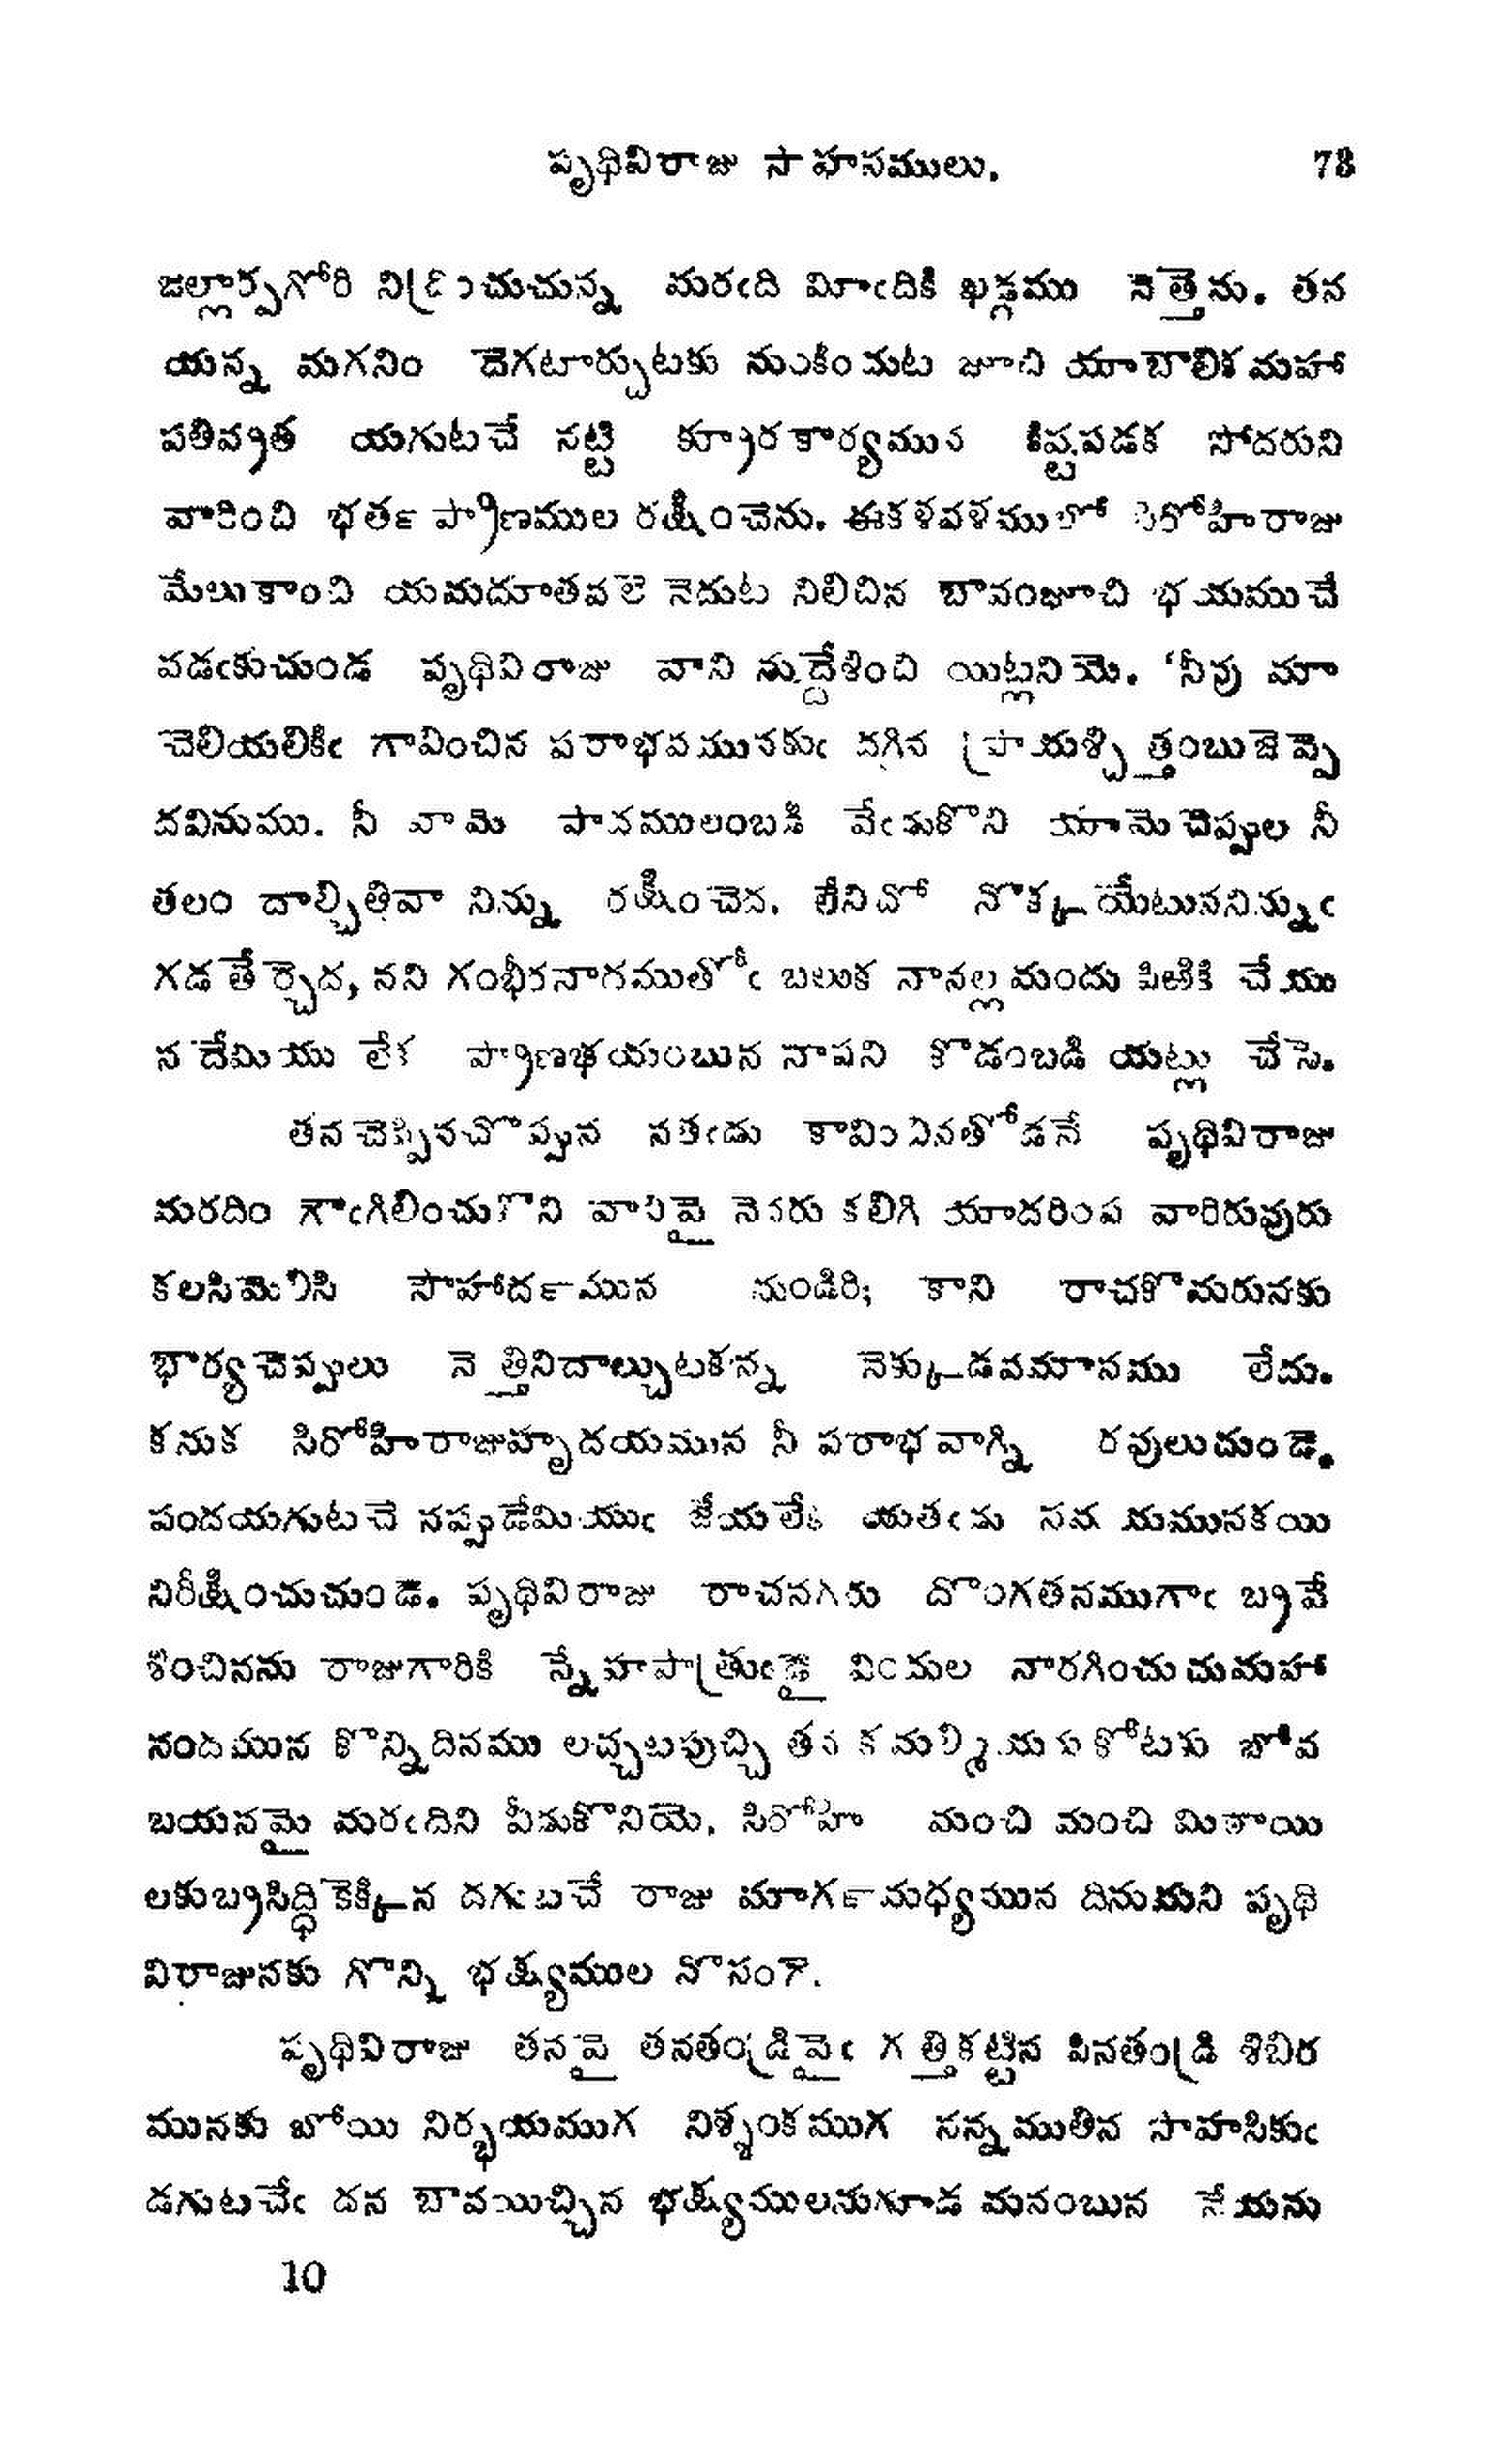జల్లార్పగోరి నిద్రించుచున్న మరఁది మీఁదికి ఖడ్గము నెత్తెను. తన యన్న మగనిం దెగటార్చుటకు నుంకించుట జూచి యాబాలిక మహా
పతివ్రత యగుటచే నట్టి క్రూర కార్యమున కిష్టపడక సోదరుని వారించి భత౯ ప్రాణముల రక్షించెను. ఈకళవళములో సిరోహిరాజు
మేలు కాంచి యమదూతవలె నెదుట నిలిచిన బావంజూచి భయముచే వడఁకుచుండ పృథివి రాజు వాని నుద్దేశించి యిట్లనియె. 'నీవు మా
చెలియలికిఁ గావించిన పరాభపమునకుఁ దగిన ప్రాయశ్చిత్తంబు జెప్పెదవినుము. నీ వామె పాదములంబడి వేఁడుకోని యామె చెప్పుల నీ
తలం దాల్చితివా నిన్ను రక్షించెద. లేనిదో నొక్క యేటుననిన్నుఁ గడతేర్చెద, నని గంభీర నాదముతోఁ బలుక నానల్ల మందు పిఱికి చేయున దేమియు లేక ప్రాణభయంబున నాపని కొడంబడి యట్లు చేసె.

తన చెప్పించొప్పున నతఁడు కావించినతోడనే పృథివి రాజు మరదిం గౌఁగిలించుకొని వారిపై నెవరు కలిగి యాదరింప వారిరువురు
కలసిమెలసి సౌహాద౯మున నుండిరి; కాని రాచకొమరునకు భార్య చెప్పులు నెత్తిని దాల్చుటకన్న నెక్కుడవమానము లేదు. కనుక సిరోహి రాజుహృదయమున నీ పరాభవాగ్ని రవులుచుండె. పందయగుటచే నప్పుడేమియుఁ జేయలేక యతఁడు సమయమునకయి నిరీక్షించుచుండె. పృథివి రాజు రాచనగరు దొంగతనముగాఁ బ్రవేశించినను రాజుగారికి స్నేహపాత్రుఁడై విందూల నారగించుచు మహానందమున కొన్ని దినము లచ్చటపుచ్చి తన కమల్మియగు కోటకు బోవ బయనమై మరఁదిని వీడుకొనియె, సిరోహి మంచి మంచి మిఠాయిలకు ప్రసిద్ధి కెక్కిన దగుటచే రాజు మాగ౯ మధ్యమున దినుమని పృథివిరాజునకు గొన్ని భక్ష్యముల నొసంగె.

పృథివి రాజు తనపై తనతండ్రి పైఁ గత్తి కట్టిన పినతండ్రి శిబిరమునకు బోయి నిర్భయముగ నిశ్శంకముగ నన్నముతిన సాహసికుఁ
డగుటచేఁ దన బావయిచ్చిన భక్ష్యములనుగూడ మనంబున నేయను